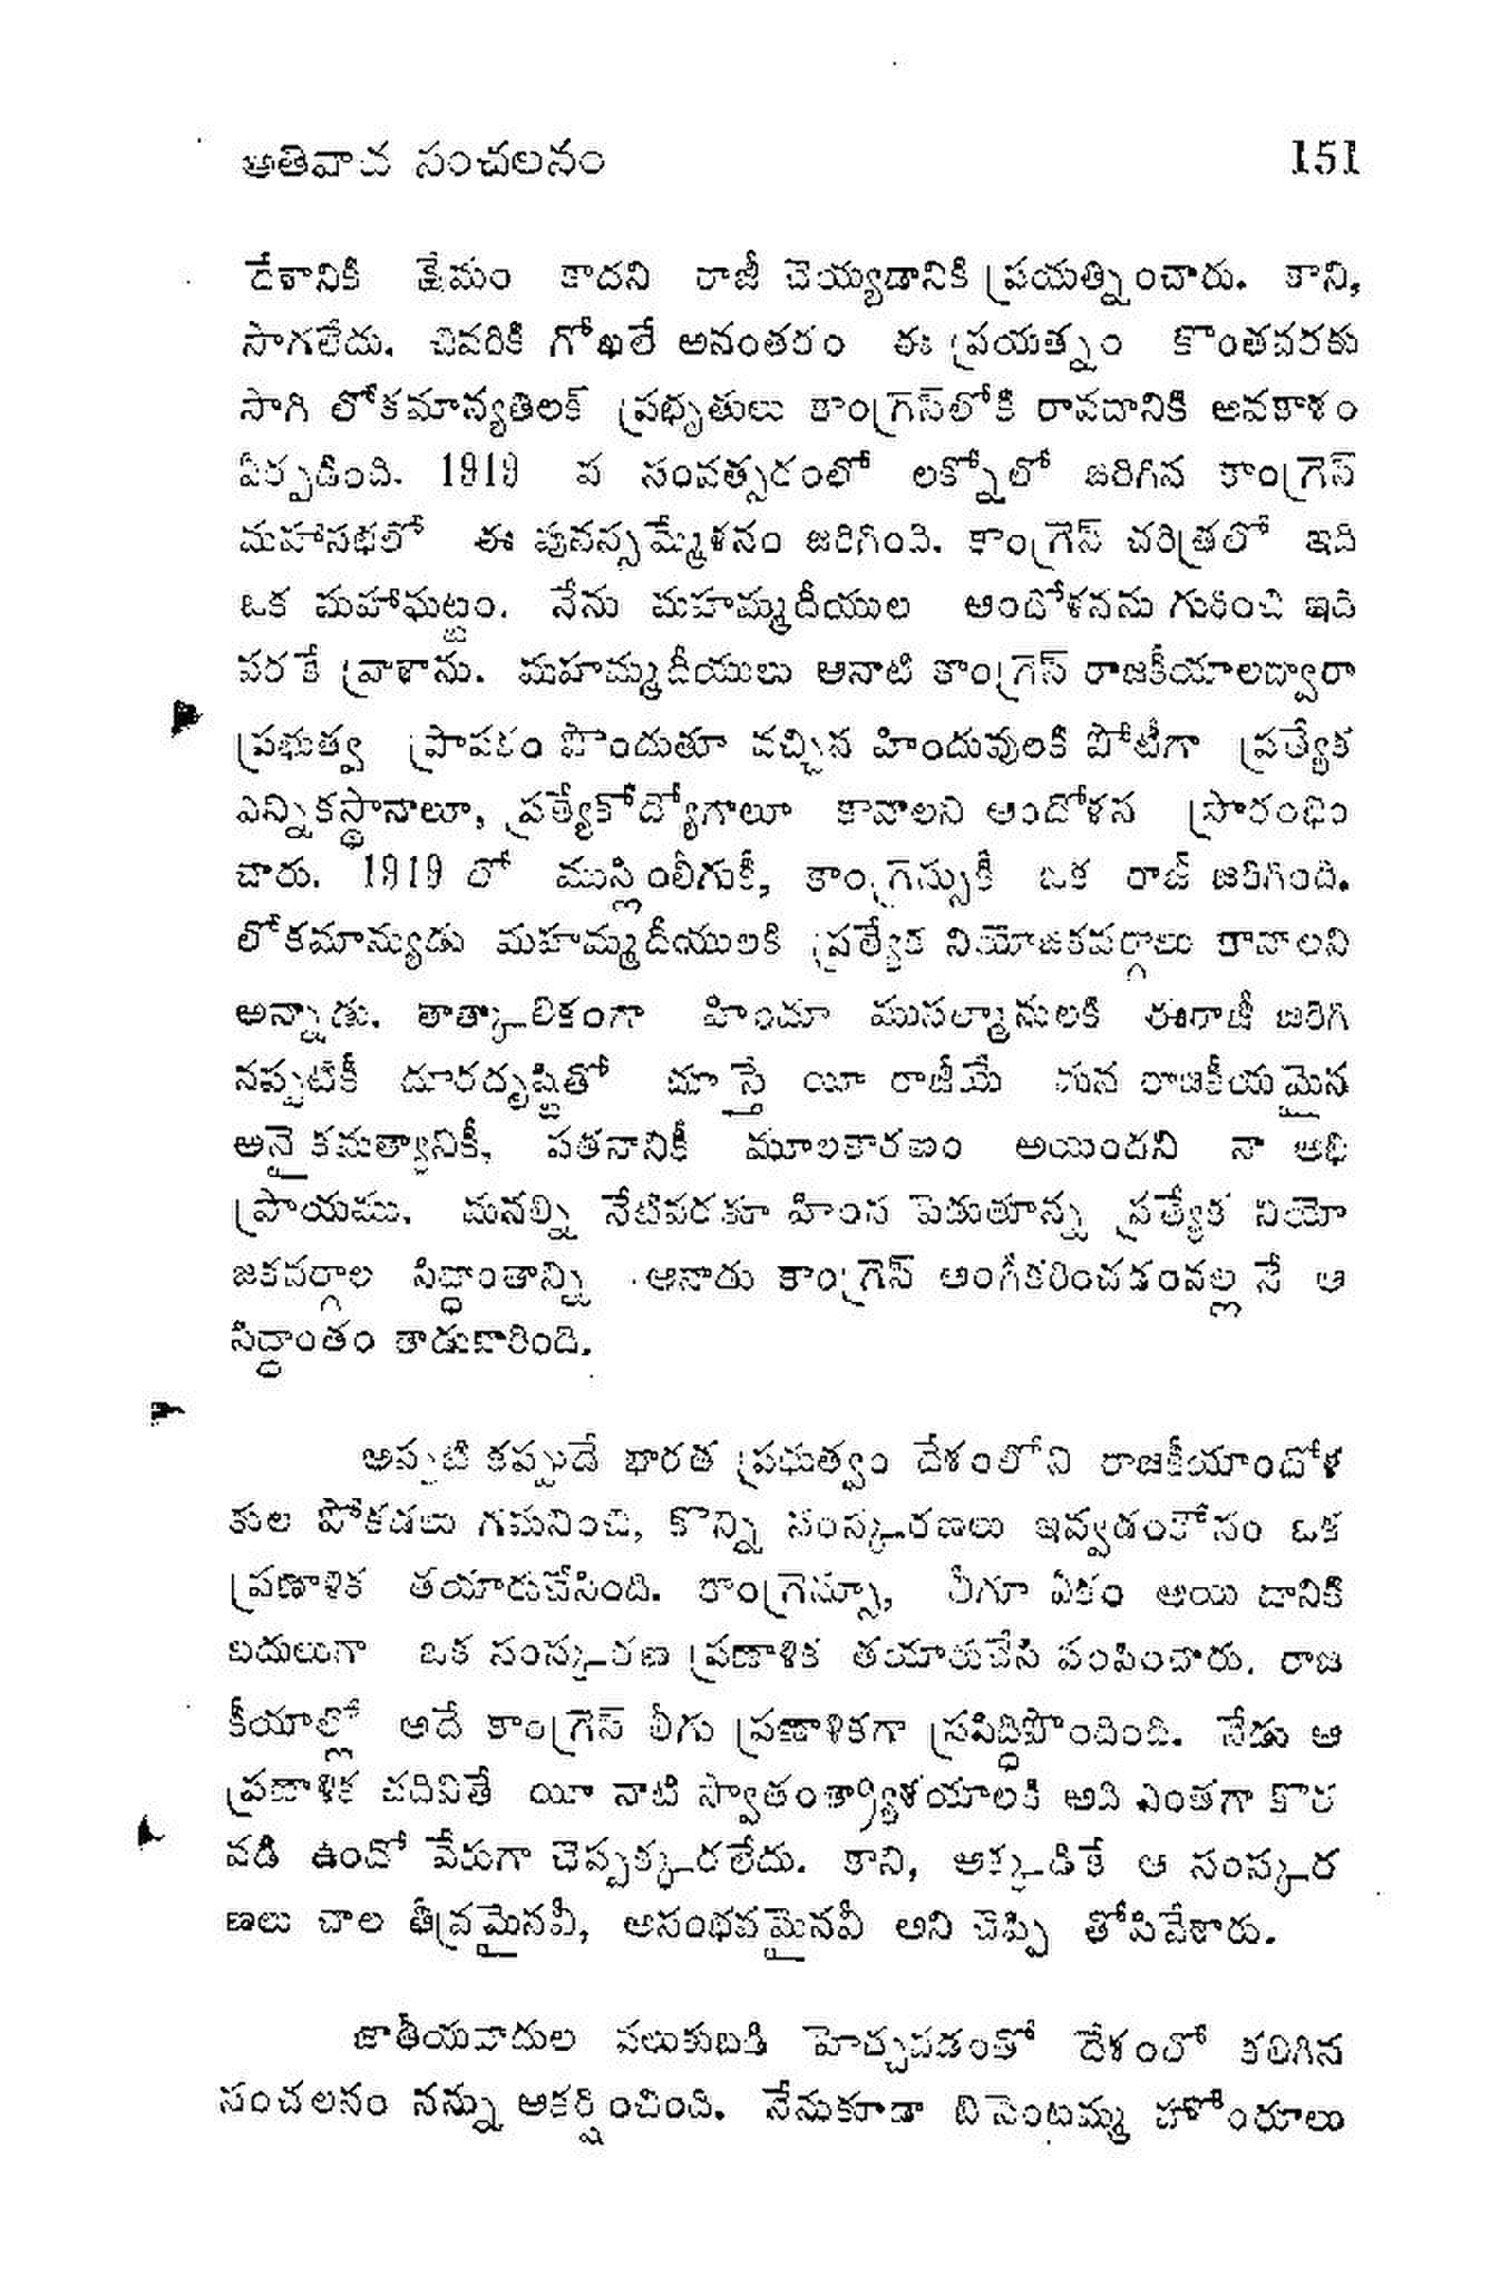దేశానికి క్షేమం కాదని రాజీ చెయ్యడానికి ప్రయత్నించారు. కాని, సాగలేదు. చివరికి గోఖలే అనంతరం ఈ ప్రయత్నం కొంతవరకు సాగి లోకమాన్యతిలక్ ప్రభృతులు కాంగ్రెస్‌లోకి రావడానికి అవకాశం ఏర్పడింది. 1919 వ సంవత్సరంలో లక్నోలో జరిగిన కాంగ్రెస్ మహాసభలో ఈ పునస్సమ్మేళనం జరిగింది. కాంగ్రెస్ చరిత్రలో ఇది ఒక మహాఘట్టం. నేను మహమ్మదీయుల ఆందోళనను గురించి ఇది వరకే వ్రాశాను. మహమ్మదీయులు ఆనాటి కాంగ్రెస్ రాజకీయాలద్వారా ప్రభుత్వ ప్రాపకం పొందుతూ వచ్చిన హిందువులకి పోటీగా ప్రత్యేక ఎన్నికస్థానాలూ, ప్రత్యేకోద్యోగాలూ కావాలనీ ఆందోళన ప్రారంభించారు. 1919 లో ముస్లింలీగుకీ, కాంగ్రెస్సుకీ ఒక రాజీ జరిగింది. లోకమాన్యుడు మహమ్మదీయులకి ప్రత్యేక నియోజకవర్గాలు కావాలని అన్నాడు. తాత్కాలికంగా హిందూ ముసల్మానులకి ఈరాజీ జరిగినప్పటికీ దూరదృష్టితో చూస్తే యీ రాజీయే మన రాజకీయమైన అనైకమత్యానికీ, పతనానికి మూలకారణం అయిందని నా అభిప్రాయము. మనల్ని నేటివరకూ హింస పెడుతూన్న ప్రత్యేక నియోజకవర్గాల సిద్ధాంతాన్ని ఆనాడు కాంగ్రెస్ అంగీకరించడంవల్లనే ఆ సిద్ధాంతం తాడుబారింది.

అప్పటి కప్పుడే భారత ప్రభుత్వం దేశంలోని రాజకీయాందోళకుల పోకడలు గమనించి, కొన్ని సంస్కరణలు ఇవ్వడంకోసం ఒక ప్రణాళిక తయారుచేసింది. కాంగ్రెస్సూ, లీగూ ఏకం అయి దానికి బదులుగా ఒక సంస్కరణ ప్రణాలిక తయారుచేసి పంపించారు. రాజకీయాల్లో అదే కాంగ్రెస్ లీగు ప్రణాళికగా ప్రసిద్ధిపొందింది. నేడు ఆ ప్రణాళిక చదివితే యీ నాటి స్వాతంత్ర్యాశయాలకి అది ఎంతగా కొరవడి ఉందో వేరుగా చెప్పక్కరలేదు. కాని, అక్కడికే ఆ సంస్కరణలు చాలా తీవ్రమైనవీ, అసంభమైనవీ అని చెప్పి తోసివేశారు.

జాతీయవాదుల పలుకుబడి హెచ్చడడంతో దేశంలో కలిగిన సంచలనం నన్ను ఆకర్షించింది. నేనుకూడా బిసెంటమ్మ హోంరూలు